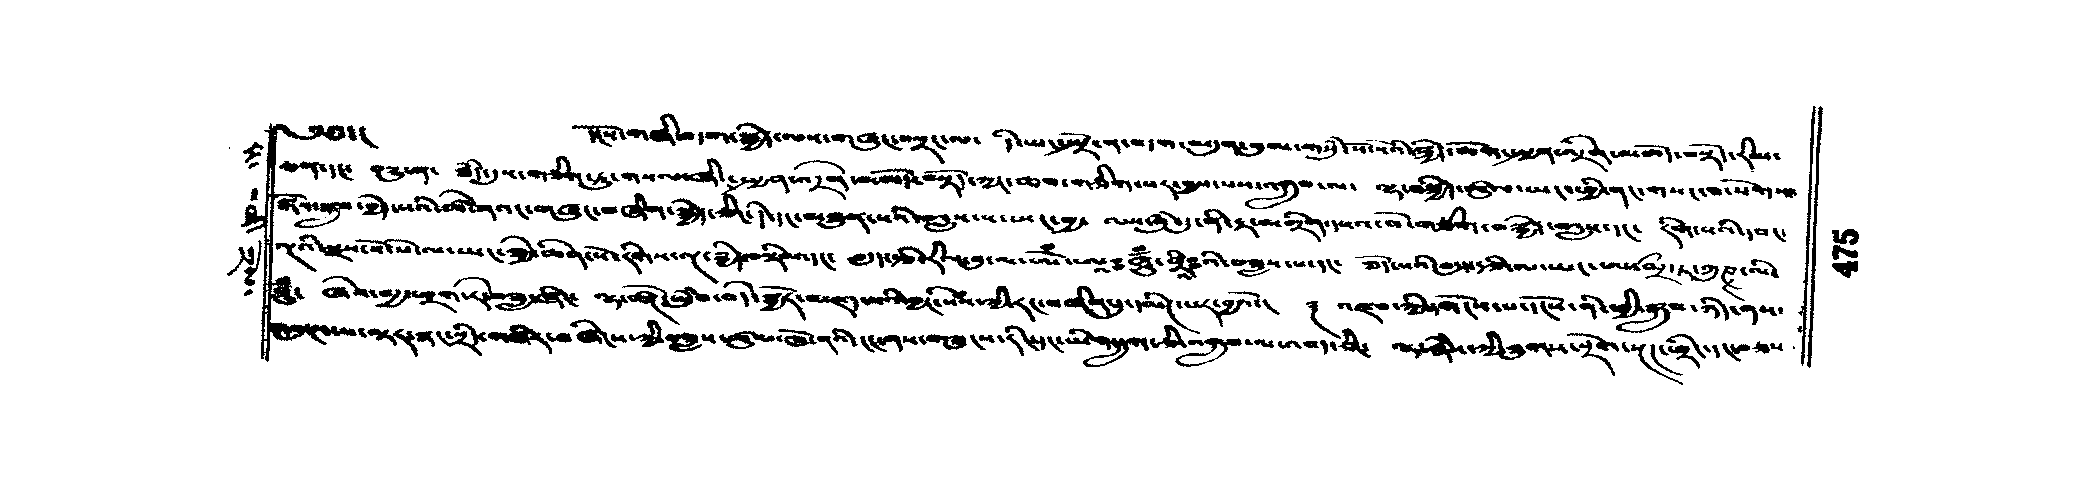དངོས་གཞི་བདག་སྐྱེད་ལས་གཞུང་བསྲང་ལ། དེ་ཡང་སྤྲོ་ན་བདག་མདུན་བུམ་གསུམ་སོ་སོའི་སྐྱེད་ཆོག་སྤྱན་འདྲེན་མཆོད་བསྟོད་རིམ་
ཅན་དང་། བསྡུ་ན་ཐམས་ཅད་དུས་གཅིག་ཏུ་གསལ་ཞིང་སྤྱན་འདྲེན་མཆོད་བསྟོད་ཀྱང་ཆབ་གཅིག་པར་བྱས་པས་འགྲུབ་ལ། ལྷ་བསྐྱེད་ཚུལ་ཡང་ཕྱི་ནང་གསང་བ་སོགས་
སྒོམ་སྒྲུབ་བྱེད་པའི་ཚེ་ནའང་གཞུང་བཞིན་བསྐྱེད་ཅིང་དེ་དང་མཐུན་པའི་བཟླས་པ་ཡང་བྱ། ལས་བུམ་དུ་ནི་རྟ་མགྲིན་དཔའ་བོ་གཅིག་བསྐྱེད་པ་བཟླས་དང་། རིག་པའི་དབང་
ལྔའི་རྫས་སོ་སོ་ལ་ཡང་ཐུགས་རྗེ་ཆེན་པོ་རིགས་ལྔའི་བསྐྱེད་རིམ་དང་། བདུད་རྩི་རིལ་བུ་ལ་ཨོཾ་ཨཱཿཧཱུྃ་ཧྲ འིའི་བཟླས་པ་དང་། ཐོད་པའི་བདུད་རྩི་ལ་ཨ་མྲྀ་ཏ་ཀུཎྜ་ལི་
ཧཱུྃ་ཞེས་བརྒྱ་ཕྲག་རེ་བཟླ་ཞིང་། ལྷ་ཚོགས་ཡབ་ཡུམ་བདེ་སྦྱོར་མཛད་པའི་བྱང་སེམས་ཀྱི་རང་བཞིན་དུ་དམིགས་པར་བྱའོ། འཛབ་ཀྱི་དགོངས་པ་དངོས་ནི་ཕྱི་སྒྲུབ་ཉིད་ནས་
གསུངས་པ་ལྟར་སྣང་སྲིད་གཞིར་བཞེངས་ཀྱི་བཟླས་ཚུལ་ཁོ་ནའི་ངང་ནས་གཟུངས་རིང་དང་ཡིག་འབྲུ་ཅི་འགྲུབ་ལ་འབད་ཅིང་།ལྷ་རྣམས་ཀྱི་ཐུགས་སྲོག་སྔགས་ཕྲེང་དང་བཅས་